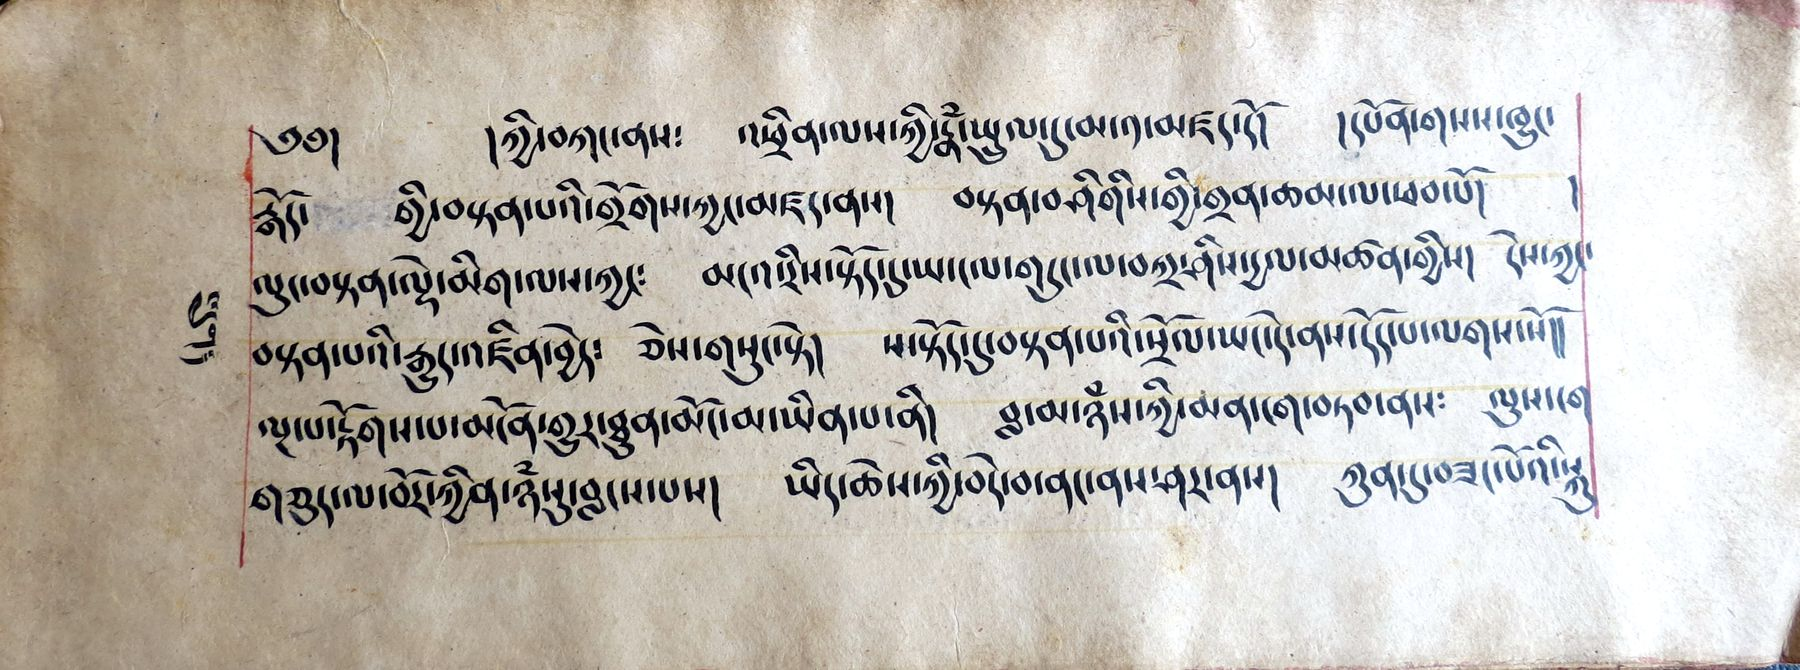ཀྱི་བཀང་ནས། འཕྲིན་ལས་ཀྱི་རྣམ་སྤྲུལ་དུ་མ་ཅིག་མཛད་དོ། །དཔོན་གསས་ཁྱུང་
རྒོད། ཀྱིས་བསྟན་པའི་གྲོགས་མཛད་ནས། བསྟན་བཤིག་གི་གྱི་གྲན་ཆམ་ལ་ཕབ་བོ། 
ལུང་བསྟན་ལྡེ་མིག་ལས་ཀྱང་། མངའ་རིས་སྟོད་དུ་ཡ་ངལ་གདུང་ལ་བཀྲ་ཤིས་རྒྱལ་མཚན་གྱིས། དེས་ཀྱང་
བསྟན་པའི་རྒྱུད་འཛིན་བྱེད། །ཅེས་གསུངས་སྟེ། ས་སྟོད་དུ་བསྟན་པའི་སྲོལ་ཡང་དེ་ནས་དོད་པ་ལགས་སོ། 
ལྔ་པ་རྟོགས་པ་མངོན་གྱུར་ཐུན་མོང་མ་ཡིན་པ་ནི། བླ་མས་ཉམས་ཀྱི་གདམས་ངག་བཏབ་ནས། ལུས་ངག་
གཅུད་ལ་བོར་ཀྱིན་ཉམས་སུ་བླངས་པས། ཡིད་ཆེས་ཀྱི་བདེ་བ་ནང་ནས་ཤར་ནས། ཀུན་ཏུ་བཟང་པོའི་སྐུ་